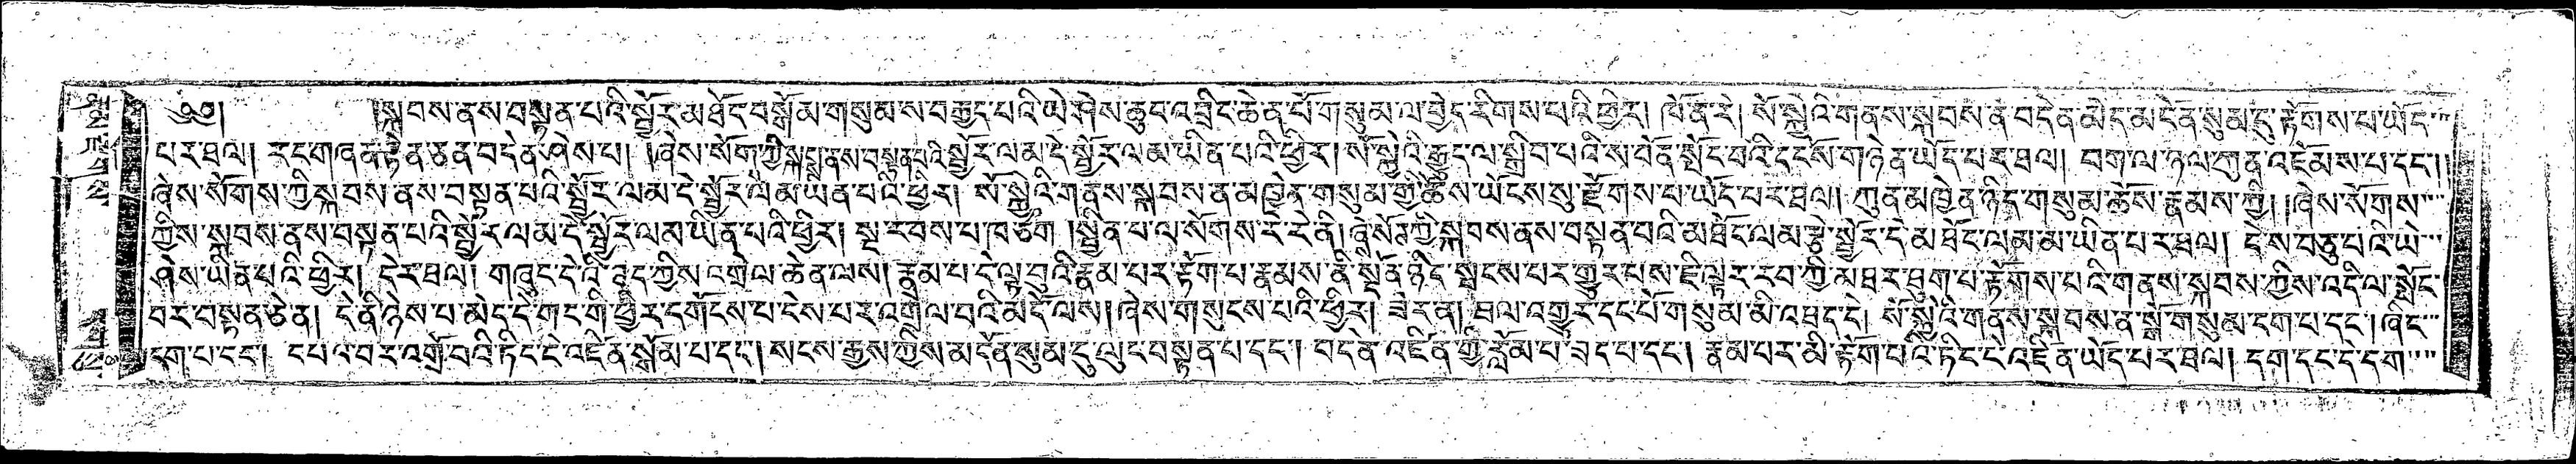༄༅། །སྐབས་ནས་བསྟན་པའི་སྦྱོར་མཐོང་བསྒོམ་གསུམ་ས་བརྒྱད་པའི་ཡེ་ཤེས་ཆུང་འབྲིང་ཆེན་པོ་གསུམ་ལ་བྱེད་རིགས་པའི་ཕྱིར། ཁོ་ན་རེ། སོ་སྐྱེའི་གནས་སྐབས་ན་བདེན་མེད་མངོན་སུམ་དུ་རྟོགས་པ་ཡོད་
པར་ཐལ། རང་གཞན་རྟེན་ཅན་བདེན་ཤེས་པ། །ཞེས་སོགས་ཀྱི་སྐབས་ནས་བསྟན་པའི་སྦྱོར་ལམ་དེ་སྦྱོར་ལམ་ཡིན་པའི་ཕྱིར། སོ་སྐྱེའི་རྒྱུད་ལ་སྒྲིབ་པའི་ས་བོན་སྤོང་བའི་དངོས་གཉེན་ཡོད་པར་ཐལ། བག་ལ་ཉལ་ཀུན་འཇོམས་པ་དང་། །
ཞེས་སོགས་ཀྱི་སྐབས་ནས་བསྟན་པའི་སྦྱོར་ལམ་དེ་སྦྱོར་ལམ་ཡིན་པའི་ཕྱིར། སོ་སྐྱེའི་གནས་སྐབས་ནས་མཁྱེན་གསུམ་གྱི་ཆོས་ཡོངས་སུ་རྫོགས་པ་ཡོད་པར་ཐལ། ཀུན་མཁྱེན་ཉིད་གསུམ་ཆོས་རྣམས་ཀྱི། །ཞེས་སོགས་
ཀྱིས་སྐབས་ནས་བསྟན་པའི་སྦྱོར་ལམ་དེ་སྦྱོར་ལམ་ཡིན་པའི་ཕྱིར། སྔ་རབས་པ་ཁ་ཅིག །སྦྱིན་པ་ལ་སོགས་རེ་རེ་ནི། ཞེས་སོགས་ཀྱི་སྐབས་ནས་བསྟན་པའི་མཐོང་ལམ་རྩེ་སྦྱོར་དེ་མཐོང་ལམ་མ་ཡིན་པར་ཐལ། དེ་ས་བཅུ་པའི་ཡེ་
ཤེས་ཡིན་པའི་ཕྱིར། དེར་ཐལ། གཞུང་དེའི་ཐད་ཀྱིས་འགྲེལ་ཆེན་ལས། རྣམ་པ་དེ་ལྟ་བུའི་རྣམ་པར་རྟོག་པ་རྣམས་ནི་སྔོན་ཉིད་སྤངས་པར་གྱུར་པས་ཇི་ལྟར་རབ་ཀྱི་མཐར་ཐུག་པ་རྟོགས་པའི་གནས་སྐབས་ཀྱིས་འདི་ལ་སྤོང་
བར་བསྟན་ཅེ་ན། དེ་ནི་ཉེས་པ་མེད་དེ་གང་གི་ཕྱིར་དགོངས་པ་ངེས་པར་འགྲེལ་བའི་མདོ་ལས། ཞེས་གསུངས་པའི་ཕྱིར། ཟེར་ན། ཐལ་འགྱུར་དང་པོ་གསུམ་མི་འཐད་དེ། སོ་སྐྱེའི་གནས་སྐབས་ན་སྒོ་གསུམ་དག་པ་དང་། ཞིང་
དག་པ་དང་། དཔའ་བར་འགྲོ་བའི་ཏིང་ངེ་འཛིན་སྒོམ་པ་དང་། སངས་རྒྱས་ཀྱིས་མངོན་སུམ་དུ་ལུང་བསྟན་པ་དང་། བདེན་འཛིན་གྱི་རློམ་པ་ཟད་པ་དང་། རྣམ་པར་མི་རྟོག་པའི་ཏིང་ངེ་འཛིན་ཡོད་པར་ཐལ། དག་དང་དེ་དག་